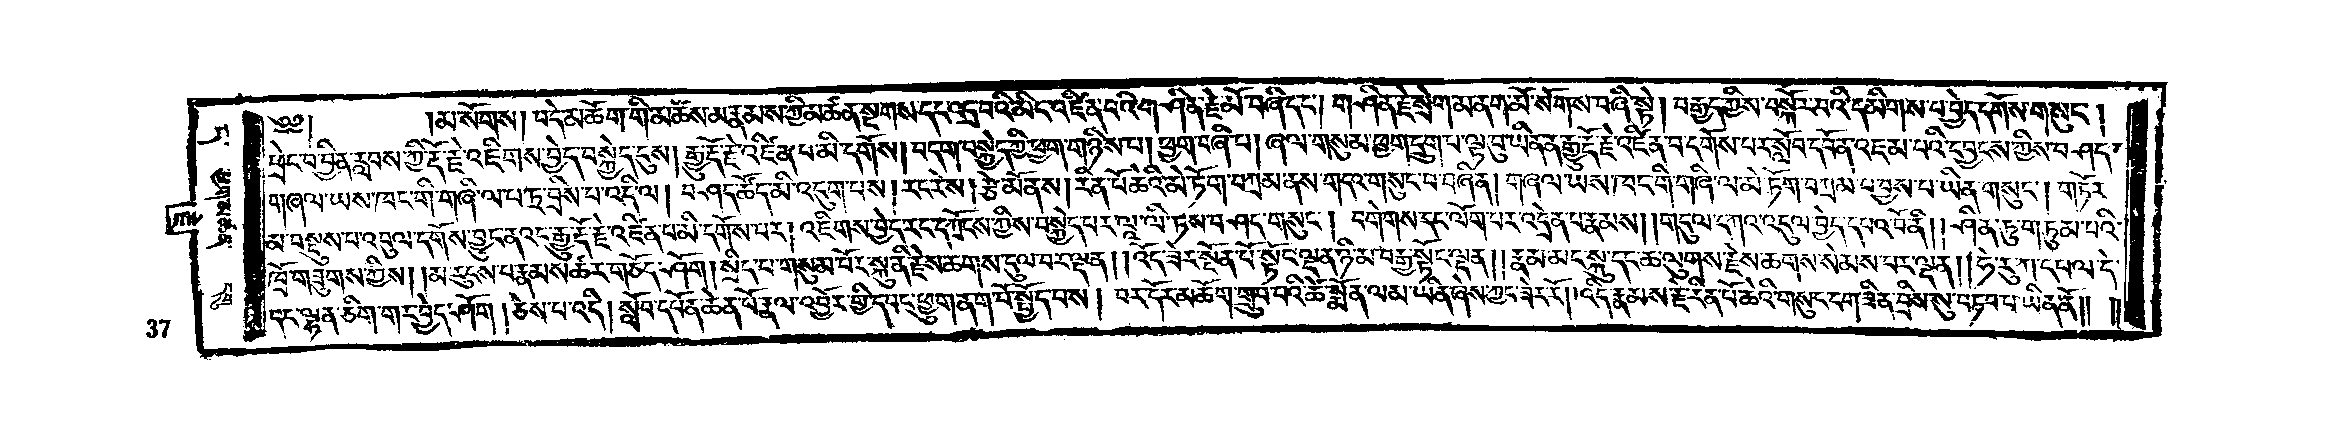༄༅། །མ་སོགས། བདེ་མཆོག་གི་མཆིས་?་མ་རྣམས་ཀྱི་མཚན་སྔགས་དང་འདྲ་བའི་མིང་འཛིན་པའི་གཤིན་རྗེ་མོ་བཞི་དང་། གཤིན་རྗེ་སྲེག་མ་ནག་མོ་སོགས་བཞི་སྟེ། བརྒྱད་ཀྱིས་བསྐོར་བའི་དམིགས་པ་བྱེད་དགོས་གསུང་།
ཕྲེང་བ་བྱིན་རླབས་ཀྱི་རྡོ་རྗེ་འཇིགས་བྱེད་བསྐྱེད་དུས། རྒྱུ་རྡོ་རྗེ་འཛིན་པ་མི་དགོས། བདག་བསྐྱེད་ཀྱི་ཕྱག་གཉིས་པ། ཕྱག་བཞི་པ། ཞལ་གསུམ་ཕྱག་དྲུག་པ་ལྟ་བུ་ཡིན་ན་རྒྱུ་རྡོ་རྗེ་འཛིན་པ་དགོས་པར་སློབ་དཔོན་འཇམ་པའི་དབྱངས་ཀྱིས་བཤད་
གཞལ་ཡས་ཁང་གི་གཞི་ལ་པ་ཏྲ་བྲིས་པ་འདི་ལ། བཤད་ཚོད་མི་འདུག་པས། རང་རེས། རྩེ་མོ་ནས། རིན་པོ་ཆེའི་མེ་ཏོག་བཀྲམ་ནས་གདའ་གསུང་བ་བཞིན། གཞལ་ཡས་ཁང་གི་གཞི་ལ་མེ་ཏོག་བཀྲམ་པ་བྱས་པ་ཡིན་གསུང་། གཏོར་
མ་བསྡུས་པ་འབུལ་དགོས་བྱུང་ནའང་རྒྱུ་རྡོ་རྗེ་འཛིན་པ་མི་དགོས་པར། འཇིགས་བྱེད་རང་དཀྲོངས་ཀྱིས་བསྐྱེད་པར་ལཱ་ལི་ཏས་བཤད་གསུང་། བགེགས་དང་ལོག་པར་འདྲེན་པ་རྣམས། །གདུལ་དཀའ་འདུལ་བྱེད་དཔའ་བོ་ནི། །ཤིན་ཏུ་གཏུམ་པའི་
ཁྲོ་གཟུགས་ཀྱིས། །མ་རུངས་པ་རྣམས་ཚར་གཅོད་ཤོག །སྲིད་པ་གསུམ་པོར་སྐུ་ནི་རྗེས་ཆགས་དུལ་བར་ལྡན། །འོད་ཟེར་སྔོན་པོ་སྟོང་ལྡན་ཉི་མ་བརྒྱ་སྟོང་ལྡན། །རྣམ་མང་སྐུ་དང་ཆ་ལུགས་རྗེས་ཆགས་སེམས་པར་ལྡན། །ཧེ་རུ་ཀ་དཔལ་དེ་
དང་ལྷན་ཅིག་གར་བྱེད་ཤོག །ཅེས་པ་དི། སློབ་དཔོན་ཆེན་པོ་རྣལ་འབྱོར་གྱི་དབང་ཕྱུག་ནག་པོ་སྤྱོད་པས། བར་དོར་མཆོག་གྲུབ་པའི་ཚེ་སྨོན་ལམ་ཡིན་ཞེས་ཀྱང་ཟེར་རོ། །འདི་རྣམས་རྗེ་རིན་པོ་ཆེའི་གསུང་ངག་ཟིན་བྲིས་སུ་བཏབ་པ་ཡིན་ནོ།། །།